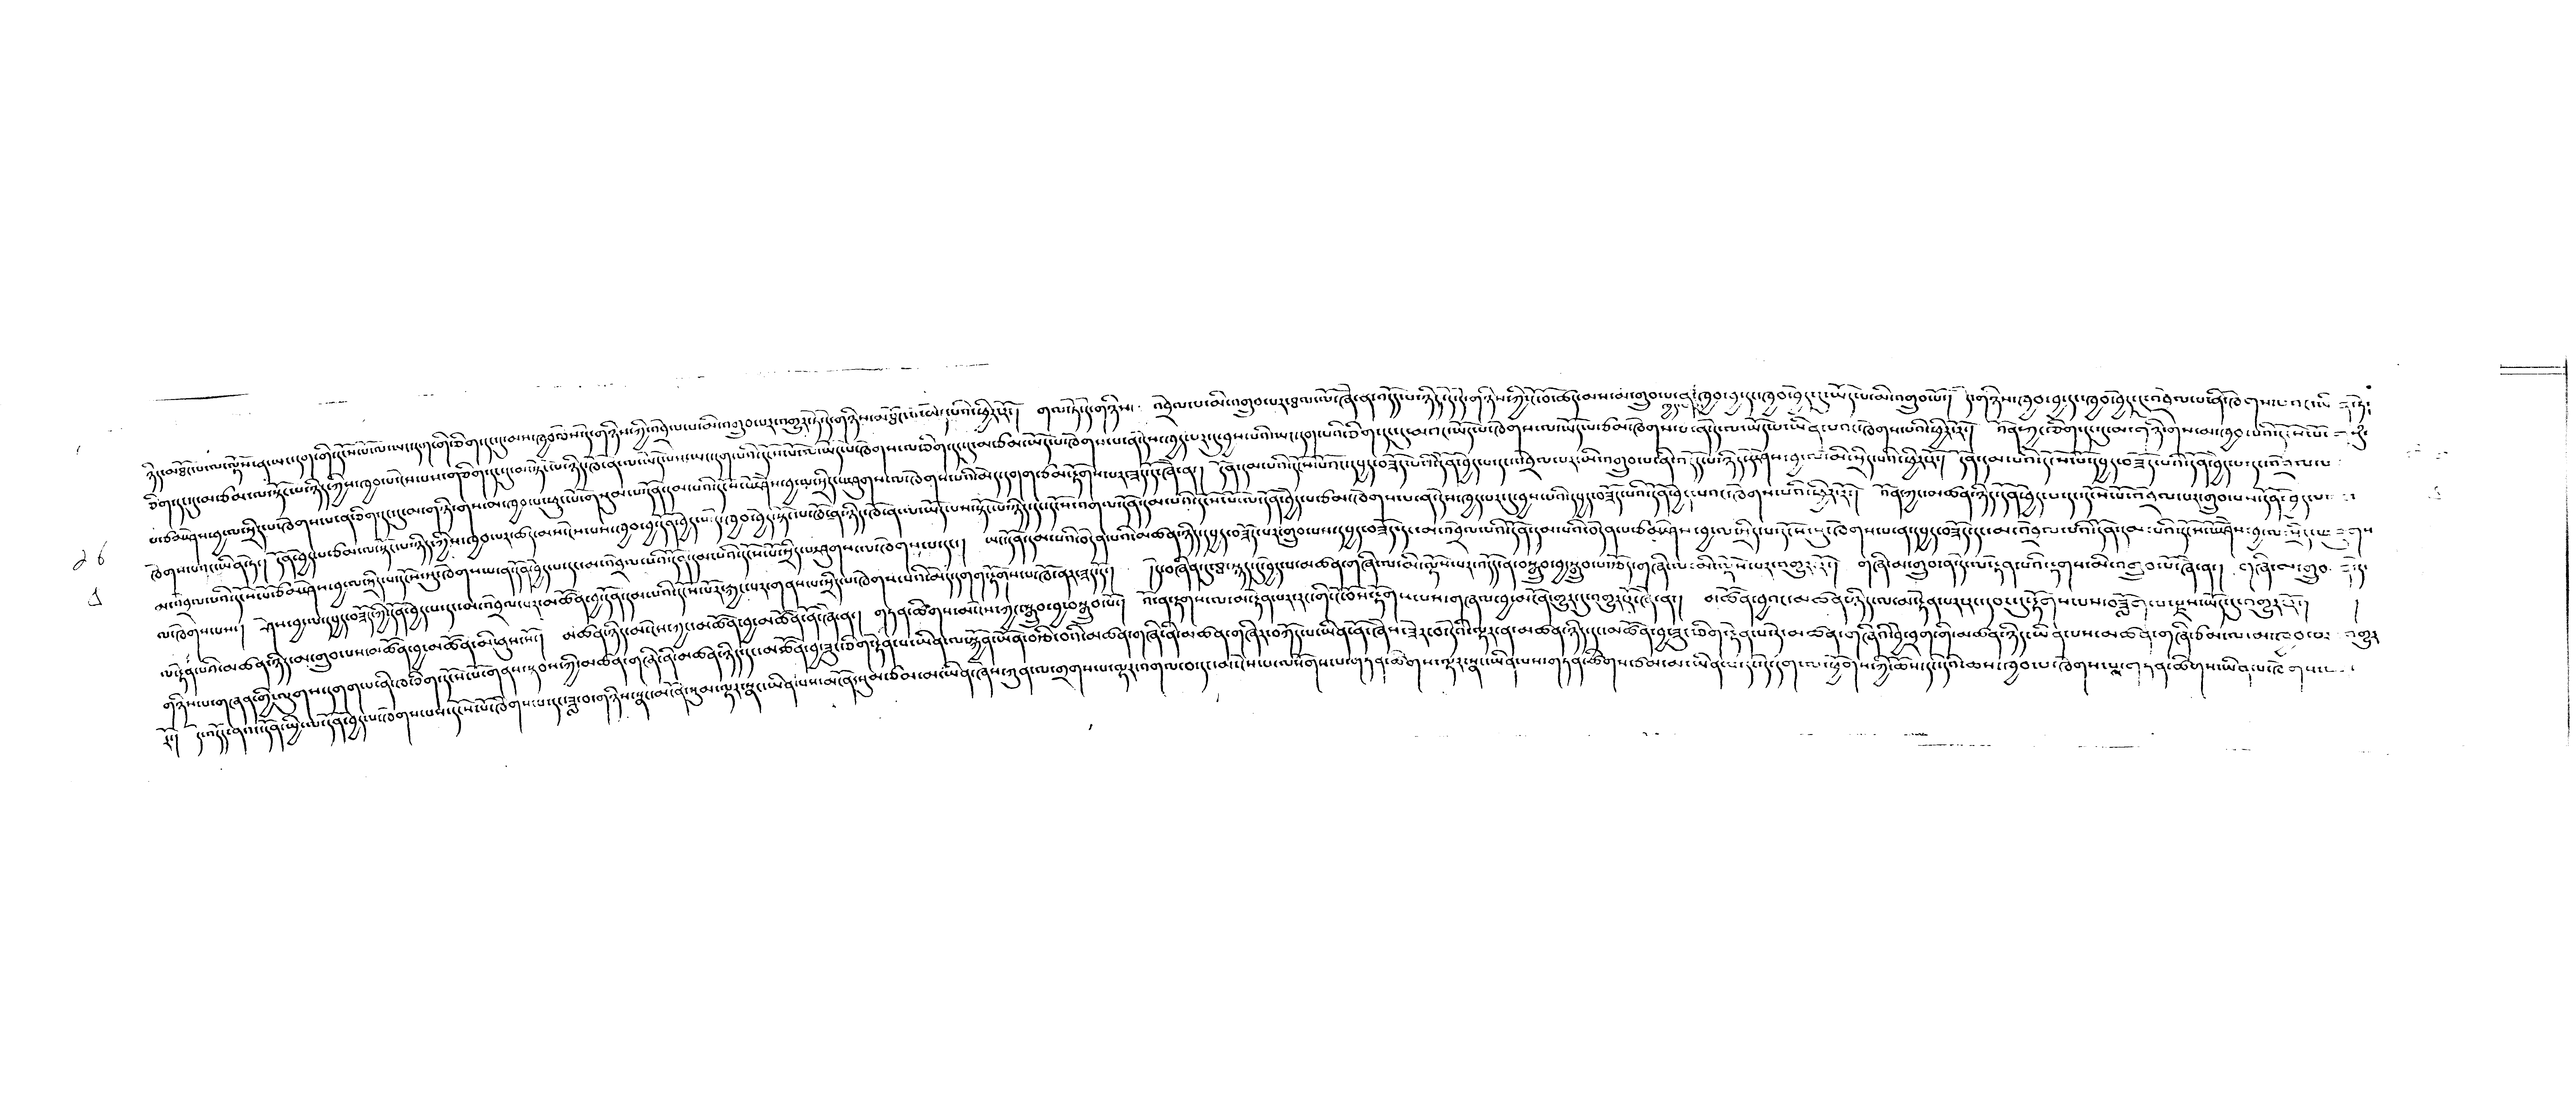ཉིད་མཐོང་པ་ལ་ལྟོས་ན་ཡང་དག་གི་དངོས་པོ་ལ་ཡང་དག་གི་ཅིག་དང་དུ་མས་ཁྱབ་མོས་དེ་གཉིས་ཀྱི་འབྲེལ་པ་མི་འགྲུབ་པར་འགྱུར་ཏེ་དེ་གཉིས་མཐོང་པ་མེད་པའི་ཕྱིར་རོ། གལ་ཏེ་དེ་གཉིས་འབྲེལ་པ་མི་འགྲུབ་པར་ཐལ་ལོ་ཞེ་ན་འདོད་པ་ཉིད་དེ་དེ་གཉིས་ཀྱི་ངོ་བོ་ཚད་མས་མ་གྲུབ་པ་ན་ཁྱད་པར་ཁྱབ་བྱ་དང་ཁྱབ་བྱེད་དུ་ཡོད་པ་མི་འགྲུབ་པོ། དེ་གཉིས་ཁྱབ་བྱ་དང་ཁྱབ་བྱེད་དུ་འབྲེལ་པ་ནི་ཁེགས་པའང་ཡིན་ཏེ།
ཅིག་དང་དུ་མ་ཙམ་ལ་སྟོང་པ་ཉིད་ཀྱིས་ཁྱབ་པ་ངེས་པས་གཅིག་དང་དུ་མ་སྟོང་པ་ཉིད་ཁོ་ན་ལ་ཡོད་པས་ཡང་དག་པའི་དངོས་པོ་ལ་ཡོད་པ་ཁེགས་ལ་ཅིག་དང་དུ་མ་ཙམ་ཡོད་པ་ཁེགས་པ་ན་དེས་ཁྱད་པར་དུ་བྱས་པའི་ཡང་དག་པའི་ཅིག་དང་དུ་མའང་ཡོད་པ་ཁེགས་ལ་ཡོད་པ་ཙམ་ཁེགས་པ་ན་དེ་ལ་ཡོད་པ་ཡིན་པའང་ཁེགས་པའི་ཕྱིར་རོ། འོན་ཀྱང་ཅིག་དང་དུ་མ་གཉི་གས་མ་ཁྱབ་པའི་དངོས་པོ་གསུམ་
པ་ཙམ་ཤེས་བྱ་ལ་སྲིད་པ་ཁེགས་པ་ན་ཅིག་དང་དུ་མ་གཉི་གས་མ་ཁྱབ་པ་ཕུང་པོ་གསུམ་པ་དོན་དམ་པའི་དངོས་པོ་ཤེས་བྱ་མ་སྲིད་པ་ཤུགས་ལ་ཁེགས་པའི་མེད་དགག་ཙམ་རྟོགས་པར་ཟད་དོ་ཞེ་ན། དོན་དམ་པའི་དངོས་པོའང་དཔྱད་བཟོད་པའི་དོན་བྱེད་པ་དང་འབྲེལ་པར་མི་འགྲུབ་པ་ནི་འདོད་པ་ཉིད་དེ་ཤེས་བྱ་ལ་མི་སྲིད་པའི་ཕྱིར་རོ། དོན་དམ་པའི་དངོས་པོ་དཔྱད་བཟོད་པའི་དོན་བྱེད་པ་དང་འབྲེལ་པ་
ཁེགས་པའང་ཡིན་ཏེ། དོན་བྱེད་པ་ཙམ་ལ་སྟོང་པ་ཉིད་ཀྱིས་ཁྱབ་པར་ཚད་མས་ངེས་པས་ཁྱབ་བྱ་དོན་བྱེད་པ་དེ་ཁྱབ་བྱེད་སྟོང་པ་ཁོ་ན་ཉིད་ཁོ་ན་ལ་ཡོད་པས་སྟོང་པ་ཉིད་དང་དངོས་འགལ་དོན་དམ་པའི་དངོས་པོ་ལ་དོན་བྱེད་པ་ཙམ་ཁེགས་པ་ན་དེས་ཁྱད་པར་དུ་བྱས་པའི་དཔྱད་བཟོད་པའི་དོན་བྱེད་པའང་ཁེགས་པའི་ཕྱིར་རོ། འོན་ཀྱང་མཚན་ཉིད་དོན་བྱེད་པ་དང་དངོས་པོ་འབྲེལ་པར་གྲུབ་པས་དོན་བྱེད་པ་
མ་འབྲེལ་པའི་དངོས་པོ་ཙམ་ཤེས་བྱ་ལ་སྲིད་པ་དངོས་སུ་ཁེགས་པ་ན་དོན་བྱེད་པ་དང་མ་འབྲེལ་པའི་དོན་དམ་པའི་དངོས་པོ་སྲིད་པ་ཤུགས་ལ་ཁེགས་པ་དང་། ཡང་དོན་དམ་པའི་བདེན་པའི་མཚན་ཉིད་དཔྱད་བཟོད་པར་གྲུབ་པས་དཔྱད་བཟོད་དང་མ་འབྲེལ་པའི་དོན་དམ་པའི་བདེན་པ་ཙམ་ཤེས་བྱ་ལ་སྲིད་པ་དངོས་སུ་ཁེགས་པ་ན་དཔྱད་བཟོད་དང་མ་འབྲེལ་པའི་དོན་དམ་པའི་དངོས་པོ་ཤེས་བྱ་ལ་སྲིད་པར་ཤུགས་
ལ་ཁེགས་པས། ཤེས་བྱ་ལ་དཔྱད་བཟོད་ཀྱི་དོན་བྱེད་པ་དང་མ་འབྲེལ་པར་མཚོན་བྱ་དོན་དམ་པའི་དངོས་པོར་རྐྱང་པར་གནས་པ་སྲིད་པ་ཁེགས་པའི་མེད་དགག་རྟོགས་པ་ཁོ་ནར་ཟད་དོ། །དེ་བཞིན་དུ་ཐ་སྙད་དུ་བྱེད་པ་མཚན་གཞི་ལ་མི་ལྟོས་པར་འདོད་ན་བསྒྲུབ་བྱ་སྒྲུབ་པ་རྩོད་གཞི་ལ་མི་ལྟོས་པར་འགྱུར་རོ། གཞི་མ་གྲུབ་ན་དེ་ལ་རྟེན་པའི་རྟགས་མི་འགྲུབ་པོ་ཞེ་ན། གཞི་མ་གྲུབ་།དེ་
ལ་རྟེན་པའི་མཚན་ཉིད་མ་གྲུབ་པས་མཚོན་བྱ་མཚོན་མི་ནུས་སོ། མཚན་ཉིད་མ་ངེས་ཀྱང་མཚོན་བྱ་མཚོན་ནོ་ཞེ་ན། གཏན་ཚིགས་མ་ངེས་ཀྱང་སྒྲུབ་བྱ་བསྒྲུབ་པོ། འོ་ན་རྟགས་ལ་མ་རྟེན་པར་རང་གི་ངོ་བོས་རྟོགས་པས་གཞལ་བྱ་མངོན་གྱུར་དུ་འགྱུར་རོ་ཞེ་ན། མཚོན་བྱའང་མཚན་ཉིད་ལ་མ་རྟེན་པར་རང་དབང་དུ་རྟོགས་པས་བཟློག་པ་རྫས་ཡོད་དུ་འགྱུར་རོ། །
གཉིས་པ་གཞན་གྱི་ལུགས་དགག་པ་ནི་ཁ་ཅིག་དངོས་པོ་གནས་སྟབས་ཀྱི་མཚན་གཞི་ནི་མཚན་ཉིད་དང་མཚོན་བྱ་ཟུང་ཅིག་རྟེན་པ་ཡིན་ལ་སྐྱོན་ཡོན་བརྩི་བའི་མཚན་གཞི་ནི་མཚན་གཞིར་བཀོད་པ་ཡིན་ནོ་ཞེས་ཟེར་བ་དེའི་ལྟར་ན་མཚན་ཉིད་དང་མཚོན་བྱ་ཟུང་ཅིག་རྟེན་པ་དེ་མཚན་གཞིའི་བྱེ་བྲག་གི་མཚན་ཉིད་ཡིན་པས་མཚན་གཞི་ཙམ་ལ་མ་ཁྱབ་པར་འགྱུར་
རོ། དེ་འདོད་ནའང་དོན་སྤྱི་ལ་དོན་བྱེད་པ་ཁེགས་པས་དངོས་པོ་ཁེགས་པ་དང་ཟླ་བ་གཉིས་སྣང་མངོན་སུམ་ལྟར་སྣང་ཡིན་པས་མངོན་སུམ་ཙམ་མ་ཡིན་ཞེས་ཀུན་ལ་གྲགས་པ་ལྟར་འགལ་བ་དང་མ་ངེས་པ་ལ་སོགས་པ་གཏན་ཚིགས་ལྟར་སྣང་ཡིན་པས་གཏན་ཚིགས་ཙམ་མ་ཡིན་པ་དང་དེ་དག་ལ་ཕྱོགས་ཀྱི་ཆོས་དང་དེའི་ཆས་ཁྱབ་པ་ཁེགས་པས་གཏན་ཚིགས་ཡིན་པ་ཁེགས་པ་